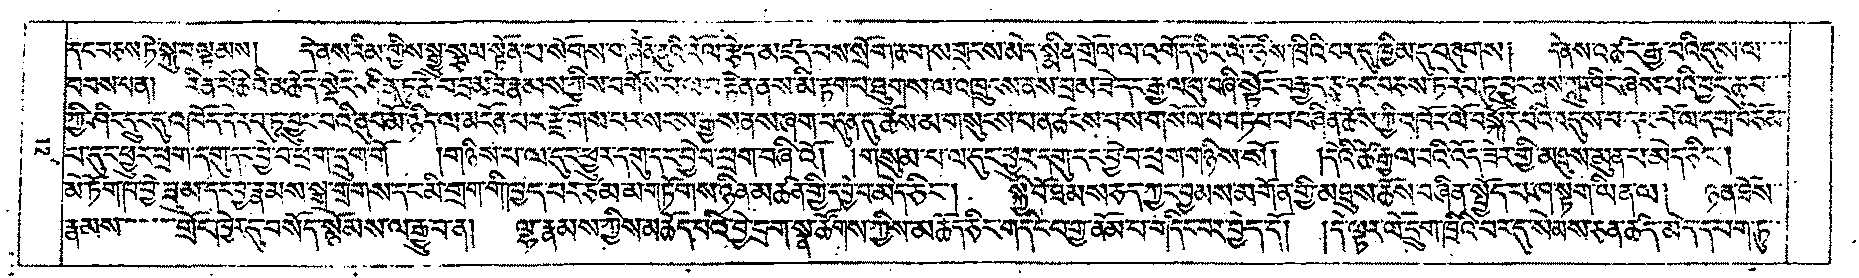དང་བཅས་ཏེ་སྐུ་བལྟམས། དེ་ནས་རིམ་གྱིས་སྒྱུ་སྩལ་སྟོན་པ་སོགས་གཞོན་ནུའི་རོལ་རྩེད་མཛད་པས་སྲོག་ཆགས་གྲངས་མེད་སྨིན་གྲོལ་ལ་འགོད་ཅིང་ལོ་ཉིས་ཁྲིའི་བར་དུ་ཁྱིམ་དུ་བཞུགས། དེ་ནས་འཚང་རྒྱ་བའི་དུས་ལ་
བབས་པ་ན། རིན་པོ་ཆེའི་མཆོད་སྡོང་ཤིན་ཏུ་ཆེ་བ་བྲམ་ཟེ་རྣམས་ཀྱིས་བགོས་པ་ལ་བརྟེན་ནས་མི་རྟག་པ་ཐུགས་ལ་འཁྲུངས་ནས་བྲམ་ཟེ་དང་རྒྱལ་བུ་བཞི་སྟོང་བརྒྱད་ཅུ་དང་བཅས་ཏེ་རབ་ཏུ་བྱུང་ནས་ཀླུ་ཤིང་ཞེས་པའི་བྱང་ཆུབ་
ཀྱི་ཤིང་དྲུང་དུ་འཁོད་དེ་རབ་ཏུ་བྱུང་བའི་ནུབ་མོ་ཉིད་ལ་མངོན་པར་རྫོགས་པར་སངས་རྒྱས་ནས་ཞག་བདུན་དུ་ཆོས་མ་གསུངས་པ་ན་ཚངས་པས་གསོལ་བ་བཏབ་པ་བཞིན་ཆོས་ཀྱི་འཁོར་ལོ་བསྐོར་བའི་འདུས་པ་དང་པོ་ལ་དགྲ་བཅོམ་
པ་དུང་ཕྱུར་ཕྲག་དགུ་དང་བྱེ་བ་ཕྲག་དྲུག་གོ །གཉིས་པ་ལ་དུང་ཕྱུར་དགུ་དང་བྱེ་བ་ཕྲག་བཞིའོ། །གསུམ་པ་ལ་དུང་ཕྱུར་དགུ་དང་བྱེ་བ་ཕྲག་གཉིས་སོ། །དེའི་ཚེ་རྒྱལ་བའི་འོད་ཟེར་གྱི་མཐུས་མུན་པ་མེད་ཅིང་།
མེ་ཏོག་ཁ་བྱེ་ཟུམ་དང་བྱ་རྣམས་སྒྲ་གྲགས་དང་མི་གྲག་གི་ཁྱད་པར་ཙམ་མ་གཏོགས་ཉིན་མཚན་གྱི་དབྱེ་བ་མེད་ཅིང་། སྐྱེ་བོ་ཐམས་ཅད་ཀྱང་བྱམས་མགོན་གྱི་མཐུས་ཆོས་བཞིན་སྤྱོད་པ་ཤ་སྟག་ཡིན་ལ། ཉན་ཐོས་
རྣམས་གྲོང་ཁྱེར་དུ་བསོད་སྙོམས་ལ་རྒྱུ་བ་ན། ལྷ་རྣམས་ཀྱིས་མཆོད་པའི་བྱེ་བྲག་སྣ་ཚོགས་ཀྱིས་མཆོད་ཅིང་གདིང་བ་གྱ་ནོམ་པ་གདིང་བར་བྱེད་དོ། །དེ་ལྟར་ལོ་དྲུག་ཁྲིའི་བར་དུ་སེམས་ཅན་ཚད་མེད་དཔག་ཏུ་